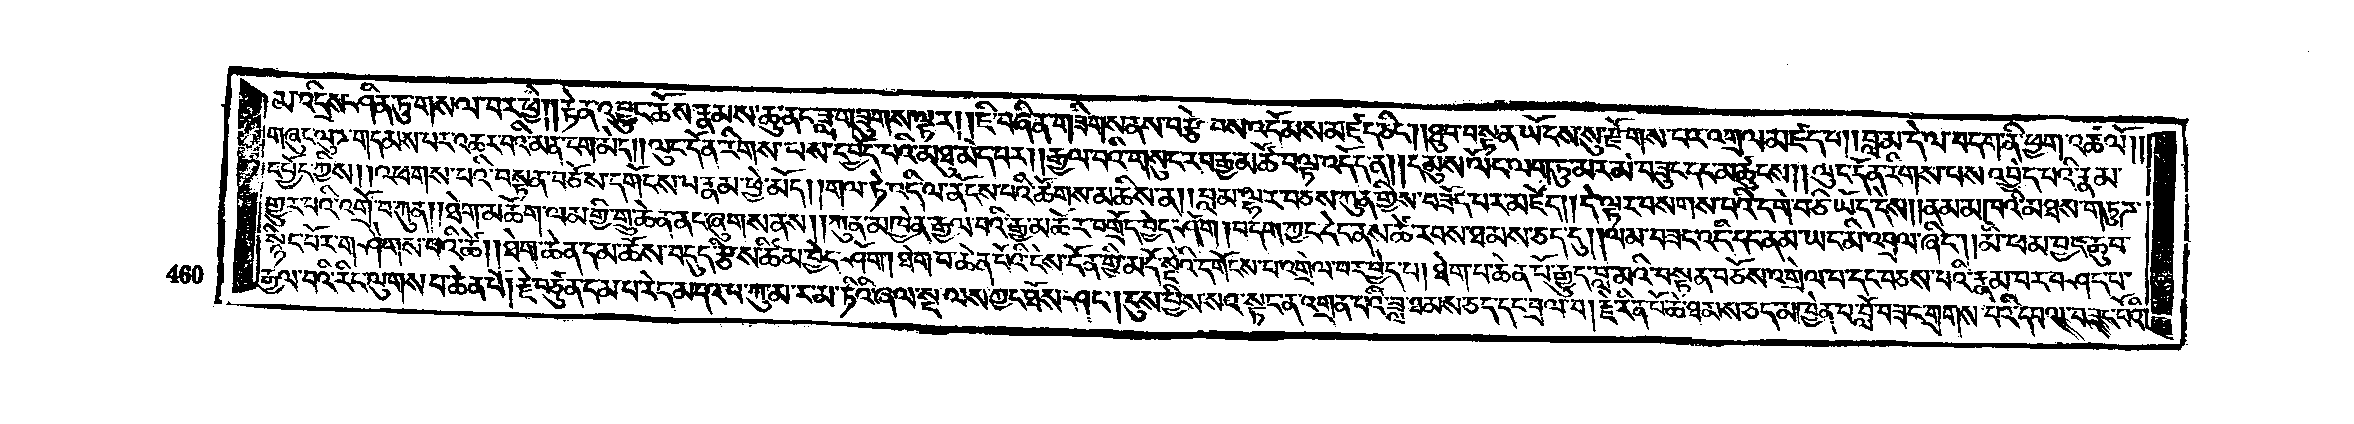མ་འདྲིས་ཤིན་ཏུ་གསལ་བར་ཕྱེ། །རྟེན་འབྱུང་ཆོས་རྣམས་ཆུ་ནང་ཟླ་གཟུགས་ལྟར། །ཇི་བཞིན་གཟིགས་ནས་བརྩེ་བས་འདོམས་མཛད་ཅིང་། །ཐུབ་བསྟན་ཡོངས་སུ་རྫོགས་པར་འགྲེལ་མཛད་པ། །བླ་མ་དེ་ལ་བདག་ནི་ཕྱག་འཚལ་ལོ། །
གཞུང་ལུགས་གདམས་པར་འཆར་བའི་མན་ངག་མེད། །ལུང་དོན་རིགས་པས་དཔྱོད་པའི་མཐུ་མེད་པར། །རྒྱལ་བའི་གསུང་རབ་རྒྱ་མཚོ་བལྟ་འདོད་ན། །དམུས་ལོང་ལག་ཏུ་མར་མེ་བཟུང་དང་མཚུངས། །ལུང་དོན་རིགས་པས་འབྱེད་པའི་རྣམ་
དཔྱོད་ཀྱིས། །འཕགས་པའི་བསྟན་བཅོས་དགོངས་པ་རྣམ་ཕྱེ་མོད། །གལ་ཏེ་འདི་ལ་ནོངས་པའི་ཚོགས་མཆིས་ན། །བླ་མ་ལྷར་བཅས་ཀུན་གྱིས་བཟོད་པར་མཛོད། །དེ་ལྟར་བསགས་པའི་དགེ་བ་ཅི་ཡོད་དེས། །ནམ་མཁའི་མཐས་གཏུགས་
གྱུར་པའི་འགྲོ་བ་ཀུན། །ཐེག་མཆོག་ལམ་གྱི་གྲུ་ཆེན་ནང་ཞུགས་ནས། །ཀུན་མཁྱེན་རྒྱལ་བའི་རྒྱ་མྩེར་བགྲོད་བྱེད་ཤོག །བདག་ཀྱང་དེང་ནས་ཚེ་རབས་ཐམས་ཅད་དུ། །ལམ་བཟང་འདི་དང་ནམ་ཡང་མི་འབྲལ་ཞིང་། །མི་ཕམ་བྱང་ཆུབ་
སྙིང་པོར་གཤེགས་པའི་ཚེ། །ཐེག་ཆེན་དམ་ཆོས་བདུད་རྩིས་ཚིམ་བྱེད་སྒོ །ཐེག་པ་ཆེན་པོའི་ངེས་དོན་གྱི་མདོ་སྡེའི་དགོངས་པ་འགྲེལ་པར་བྱེད་པ། ཐེག་པ་ཆེན་པོ་རྒྱུད་བླ་མའི་བསྟན་བཅོས་འགྲེལ་པ་དང་བཅས་པའི་རྣམ་པར་བཤད་པ་
རྒྱལ་བའི་རིང་ལུགས་པ་ཆེན་པོ། རྗེ་བཙུན་དམ་པ་རེད་མདའ་བ་ཀུ་མ་ར་མ་ཏིའི་ཞལ་སྔ་ལས་ཀྱང་ཐོས་ཤིང་། དུས་ཕྱིས་སའི་སྟང་ན་འགྲན་པའི་ཟླ་ཐམས་ཅད་དང་བྲལ་བ། རྗེ་རིན་པོ་ཆེ་ཐམས་ཅད་མཁྱེན་པ་བློ་བཟང་གྲགས་པའི་དཔལ་བཟུང་པོའི་